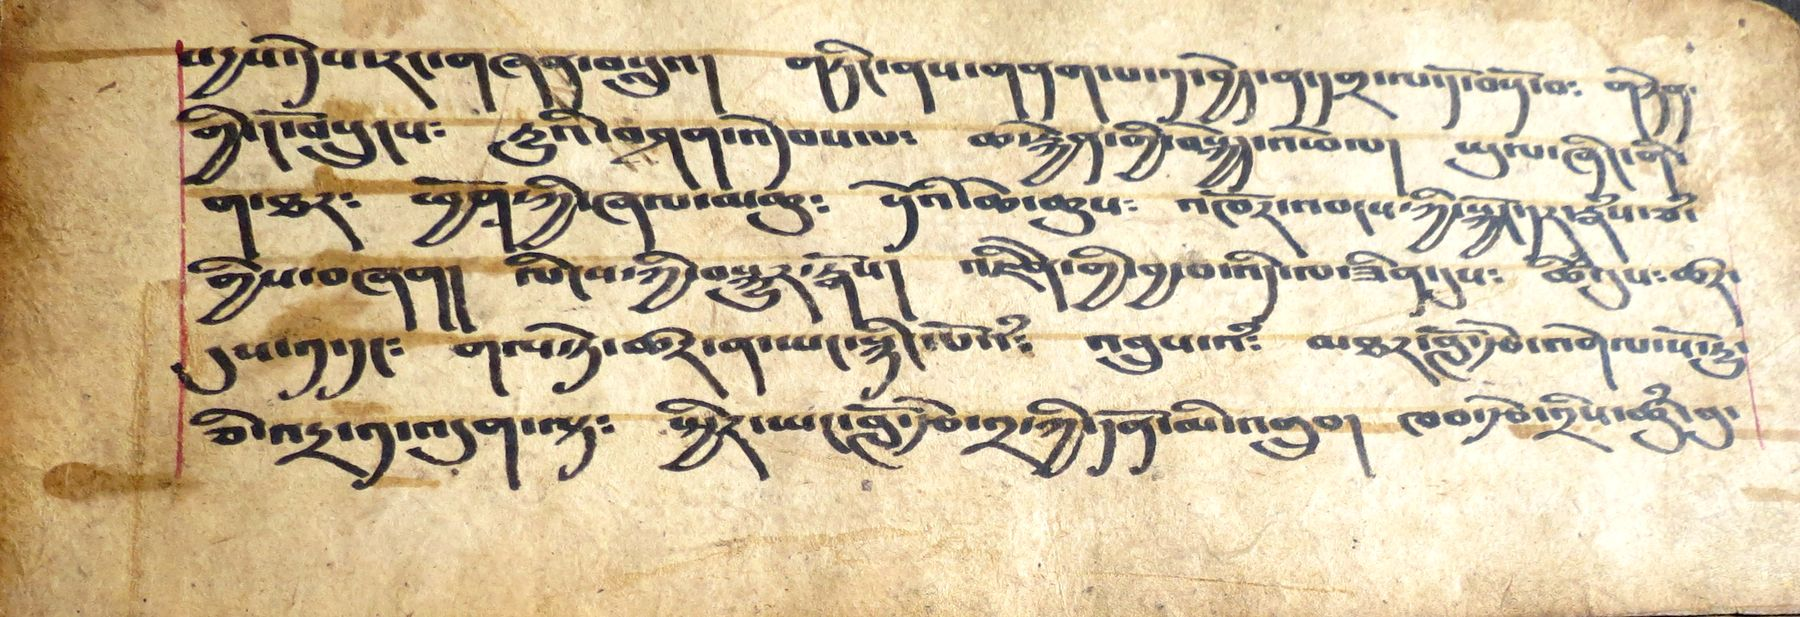སངས་རྒྱས་ཏེ་རང་གཞན་བསླུ། གཏིང་ནས་བརྣག་པ་ཅི་བྱེད་ན། དགྲ་ལ་དོ་བསྡོ་བ། གཉེན་
གྱི་ངོ་བསྲུང་བ། རུའི་ཤགས་འདེབས་པ། ཆ་རྐྱེན་གྱི་སྐྱེད་འཕེལ། ཡུལ་ཞིང་གི་
ག་དར། ཕྱོགས་ཀྱི་ཞལ་མཆུ། སྡེའི་ཆེ་ཆུས་འཁོར་འབངས་ཀྱི་སྐྱོང་དར་རྣམས་ཅམ་
གྱིས་བཞག ལིང་གིས་སྐྱུར་དགོས། འཇིག་རྟེན་གྱི་བྱ་བ་འདི་ལ་ཟིན་དུས། ཚིམ་དུས། ཚར་
དུས་ཞིག་དང་། གལ་ཏེ་ཚར་ན་ཡང་སྙིང་པོ་འམ་འབྲས་བུའམ། མཐར་བློ་རྩེ་འགེལ་སོ་
ཅི་འདྲ་ཞིག་འདུག་ལྟ། སྤྱིར་ཡང་བློ་རྩེ་གཉིས་ཀྱིས་དོན་མི་འགྲུབ། ཁབ་རྩེ་གཉིས་ཚུམ་བུ་